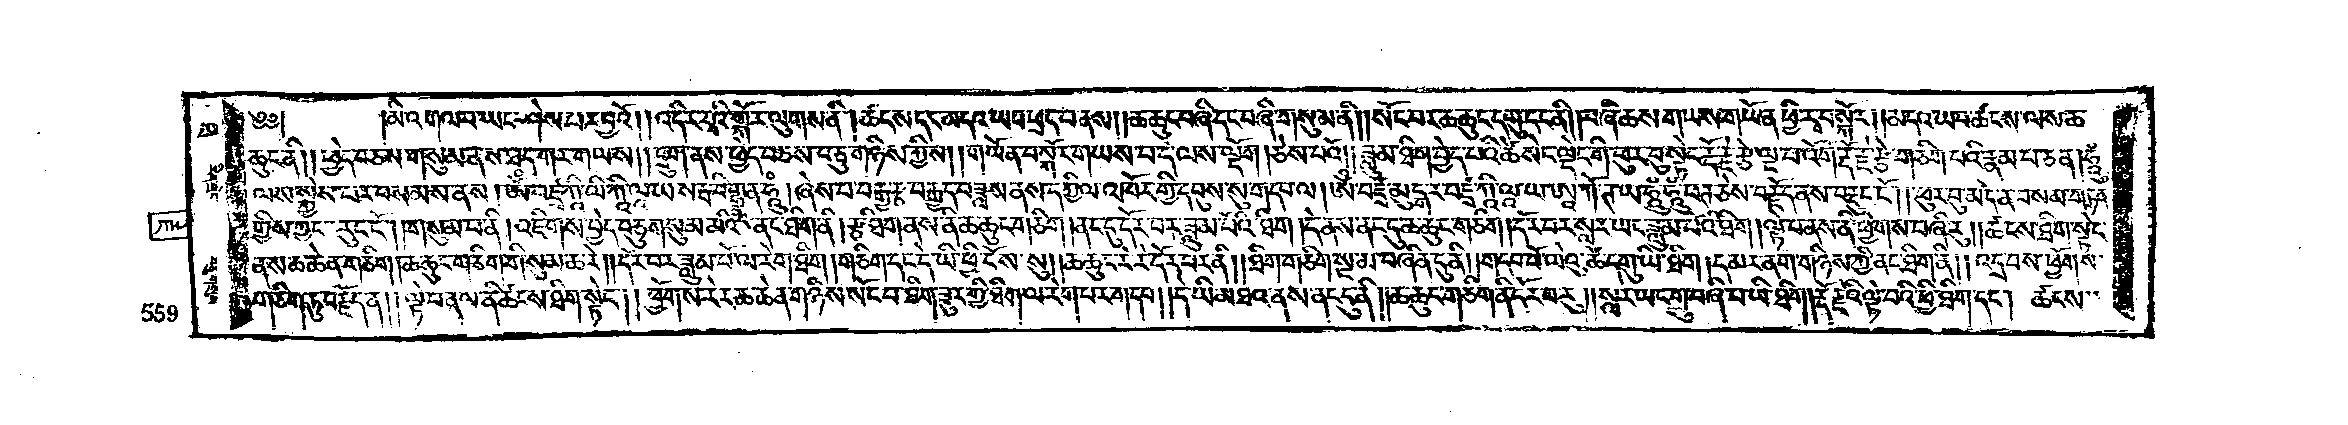༄༅། །མི་འགལ་བ་ཡང་ཤེས་པར་བྱའོ། །འདིར་རྭའི་སྐོར་ལུགས་ནི། ཚངས་དང་མདའ་ཡབ་ཕྲད་པ་ནས། །ཆ་ཆུང་བཞི་དང་བཞི་གསུམ་ནི། །སོང་བར་ཆ་ཆུང་དགུ་དང་ནི། །བཞི་ཆས་གཡས་གཡོན་ཕྱི་རྭ་བསྐོར། །མདའ་ཡབ་ཚངས་ལས་ཆ་
ཆུང་ནི། །ཕྱེད་བཅས་གསུམ་ནས་ཐད་ཀར་གཡས། །དྲུག་ནས་ཕྱེད་བཅས་བཅུ་གཉིས་ཀྱིས། །གཡོན་བསྐོར་གཡས་པ་དེ་ལས་ལྡོག །ཅེས་པའོ། །ཟླུམ་ཐིག་བྱེད་པའི་ཚེ་སེང་ལྡེང་གི་ཕུར་བུ་སྟེང་རྡོ་རྗེ་རྩེ་ལྔ་པ་འོག་རྡོ་རྗེ་རྩེ་གཅིག་པའི་རྣམ་པ་ཅན། ཧཱུཾ་
ལས་སྐྱེས་པར་བསམས་ནས། ཨོཾ་བཛྲ་ཀཱི་ལི་ཀཱི་ལཱ་ཡ་སརྦ་བིགྷྣཱན་ཧཱུཾ། ཞེས་པ་བརྒྱ་རྩ་བརྒྱད་བཟླས་ནས་དཀྱིལ་འཁོར་གྱི་དབུས་སུ་གདབ་ལ། ཨོཾ་བཛྲ་མུངྒ་ར་བཛྲ་ཀཱི་ལཱ་ཡ་ཨཱ་ཀོ་ཊ་ཡ་ཧཱུཾ་ཧཱུཾ་ཕཊ་ཅེས་བརྗོད་ནས་བརྡུང་ངོ། །ཕུར་བུ་མེད་ན་བསམ་གཏན་
གྱིས་ཀྱང་རུང་ངོ། །གསུམ་པ་ནི། འཇིགས་བྱེད་བཅུ་གསུམ་མའི་ནང་ཐིག་ནི། རྩ་ཐིག་ནས་ནི་ཆ་ཆུང་གཅིག །ནང་དུ་དོར་བར་ཟླུམ་པོའི་ཐིག །དེ་ནས་ནང་དུ་ཆ་ཆུང་གཅིག །དོར་བར་སླར་ཡང་ཟླུམ་པའི་ཐིག །ལྟེ་བ་ནས་ནི་ཕྱོགས་བཞི་རུ། །ཚངས་ཐིག་སྟེང་
ནས་ཆ་ཆེན་གཅིག །ཆ་ཆུང་གཅིག་གི་སུམ་ཆ་རེ། །དོར་བར་ཟླུམ་པོ་ལ་རེག་ཐིག །གཅིག་དང་དེ་ཡི་ཕྱི་དོས་སུ། །ཆ་ཆུང་རེ་རེ་དོར་བར་ནི། །ཐིག་གཅིག་སྔ་མ་བཞིན་དུ་ནི། །གདབ་བོ་ལེའུ་ཚེ་དགུ་ཡི་ཐིག །དམར་ནག་གཉིས་ཀྱི་ནང་ཐིག་ནི། །འདྲ་བས་ཕྱོགས་
གཅིག་ཏུ་བརྗོད་ན། །ལྟེ་བ་ནས་ནི་ཚངས་ཐིག་སྟེང་། །ཕྱོགས་རེར་ཆ་ཆེན་གཉིས་སོང་བ་ཐིག་ཟུར་གྱི་ཐིག་ལ་རེག་པར་གདབ། །དེ་ཡི་མཐའ་ནས་ནང་དུ་ནི། །ཆ་ཆུང་གཅིག་ནི་དོར་བ་རུ། །སླར་ཡང་གྲུ་བཞི་པ་ཡི་ཐིག །རྡོ་རྗེའི་ལྟེ་བའི་ཕྱི་ཐིག་དང་། ཚངས་